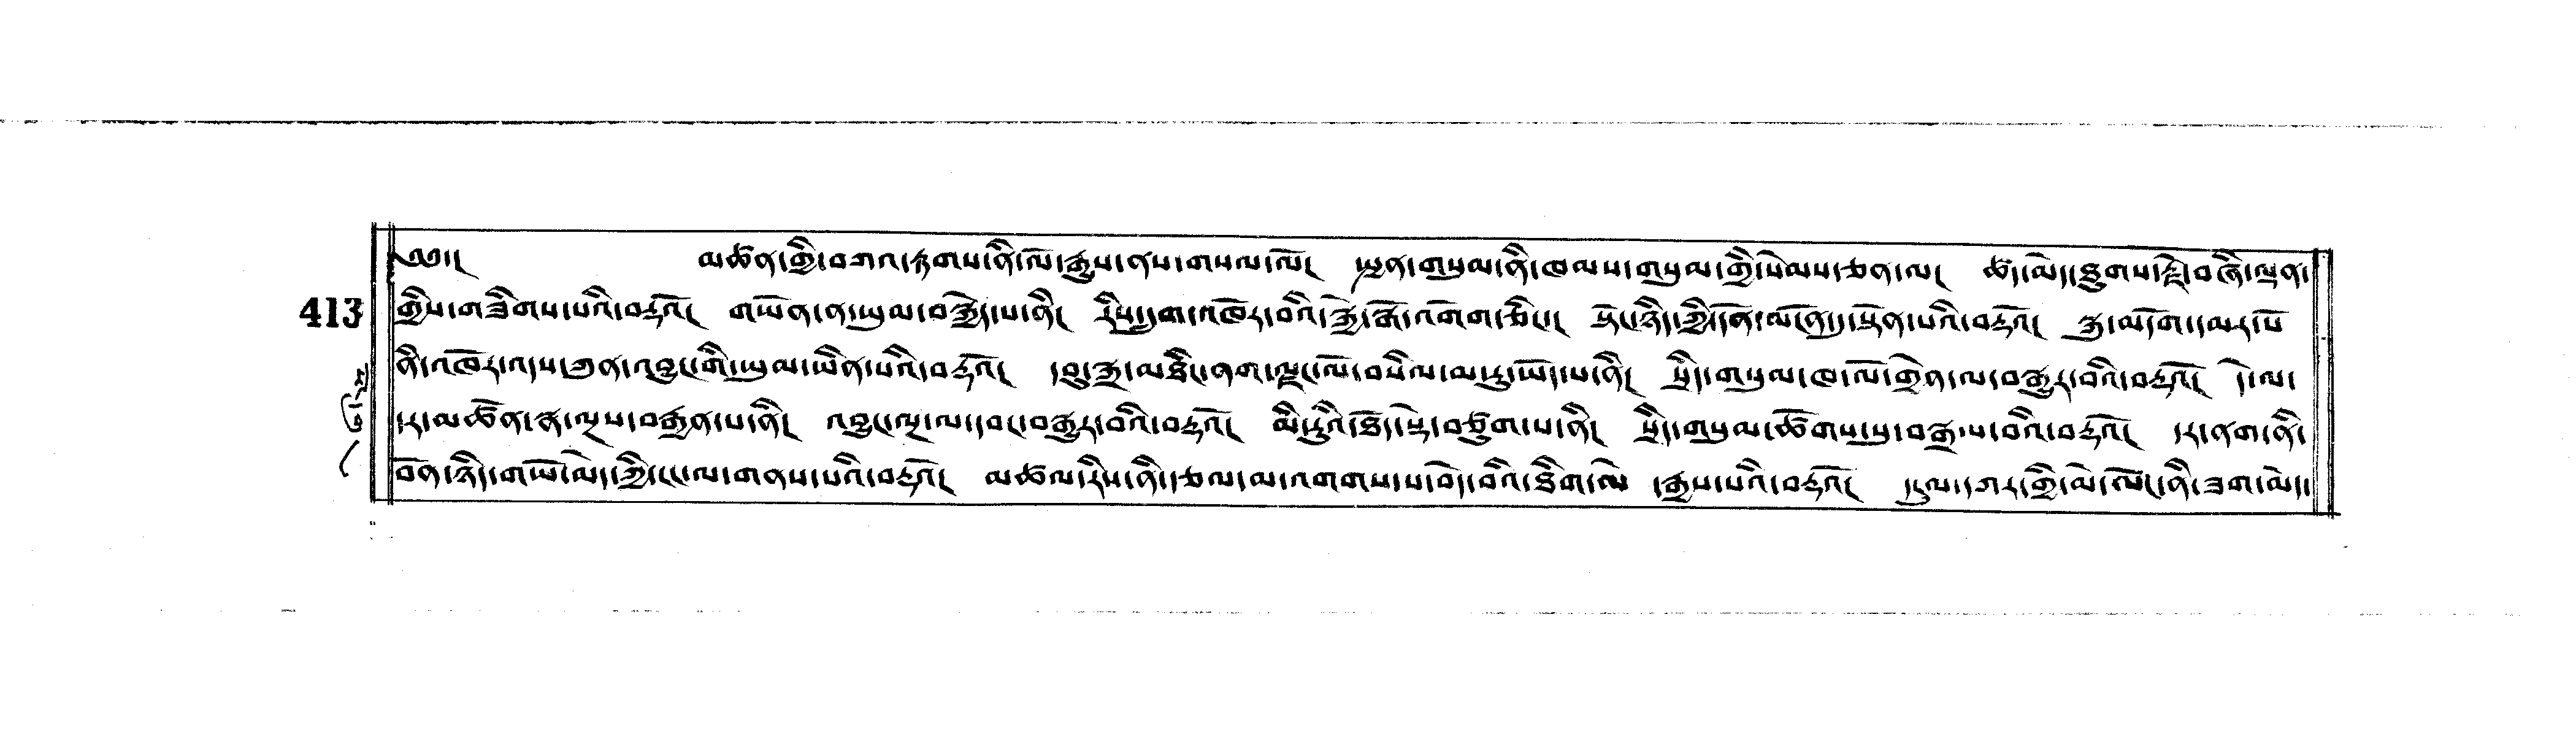མཚན་གྱི་བཀའ་རྟགས་ནི་ལོ་རྒྱུས་ན་གསལ་ལོ། སྤྱན་གསུམ་ནི་ཁམས་གསུམ་གྱི་སེམས་ཅན་ལ། ཚད་མེད་ཐུགས་རྗེ་བཞི་ལྡན་
ས་གཟིགས་པའི་བརྡའོ། གཡོན་ན་ཡུམ་བསྐྱེད་པ་ནི། རིས་དྲུག་འཁོར་བའི་སྐྱེ་སྒོ་འགོག་ཅིང་། སྟོང་ཉིད་ཀྱི་དོན་མངོན་དུ་སྟོན་པའི་བརྡའོ། སྐུ་མདོག་དམར་པོ་
ནི་འཁོར་འདས་ཀུན་འབྱུང་གི་ཡུམ་ཡིན་པའི་བརྡའོ། དབུ་སྐྲ་མཐིང་ནག་ལྗང་ལོ་བསིལ་མ་རུ་ཡོད་པ་ནི། སྲིད་གསུམ་ཁ་ལོ་གྱེན་དུ་བསྒྱུར་བའི་བརྡའོ། དེ་ལ་
དར་མཚོན་སྣ་ལྔས་བརྒྱན་པ་ནི། འབྱུང་ལྔ་ལ་དབང་བསྒྱུར་བའི་བརྡའོ། མི་རུའི་ཐོད་སྡེ་བཙུགས་པ་ནི། སྲིད་གསུམ་ཚོགས་སུ་བསྒྲལ་བའི་བརྡའོ། དར་ནག་ནི་
བོན་ཉིད་གཡོ་མེད་ཀྱི་ངང་ལ་གནས་པའི་བརྡའོ། མཚལ་རིས་ནི་རྩལ་མ་འགག་པ་བདེ་བའི་ཐིག་ལེ་རྒྱས་པའི་བརྡའོ། དངུལ་དཀར་གྱི་མེ་ལོང་ནི་ཟག་མེད་